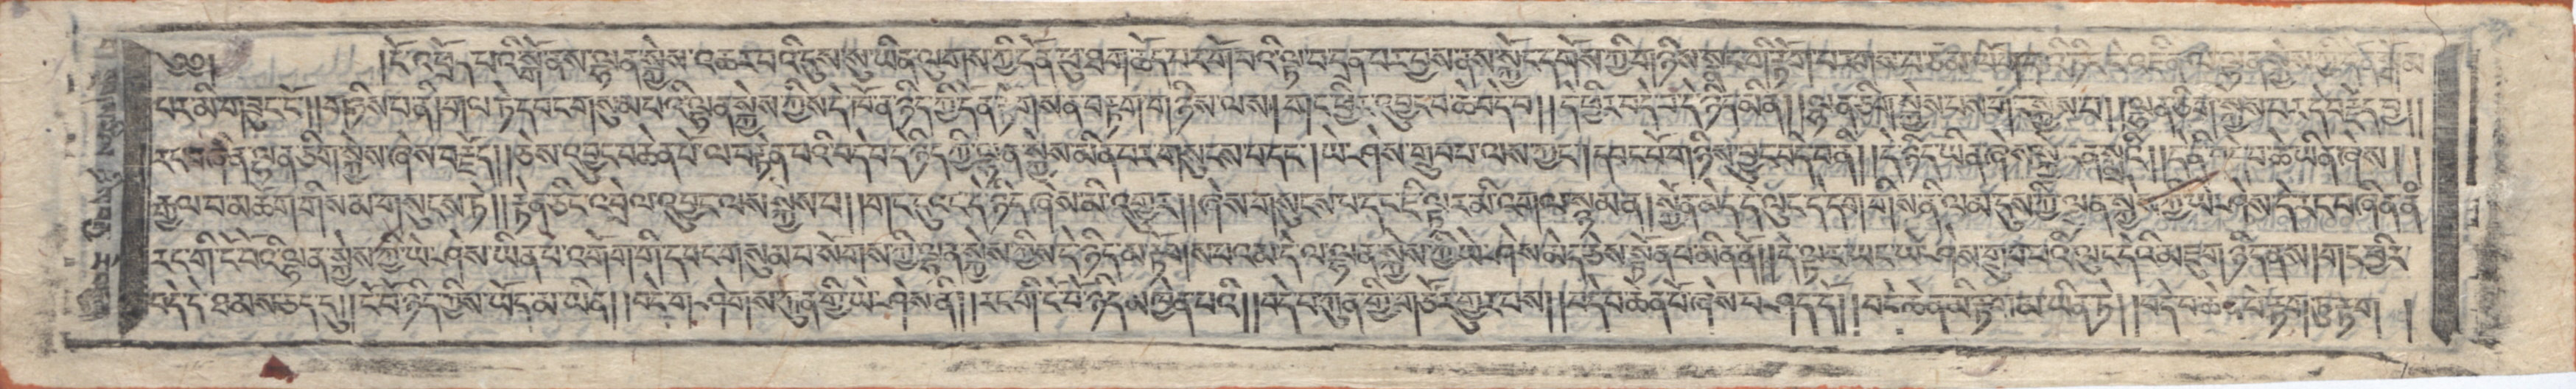༄༅། །ངོ་འཕྲོད་པའི་སྒོ་ནས་ལྷན་སྐྱེས་འཆར་བའི་དུས་སུ་ཡིན་ལུགས་ཀྱི་དོན་ཕུ་ཐག་ཆོད་པར་གོ་བའི་ལྟ་བ་དྲན་པར་བྱས་ནས་སྐྱོང་དགོས་ཀྱི་གཉིས་སྣང་གི་རྟོག་པ་རགས་པ་ཙམ་ལོག་པའི་ཏིང་ངེ་འཛིན་ལ་ལྷན་སྐྱེས་ཀྱི་དོན་སྒོམ་
པར་མི་གཟུང་ངོ། །གཉིས་པ་ནི། གལ་ཏེ་དབང་གསུམ་པའི་ལྷན་སྐྱེས་ཀྱིས་དེ་ཁོ་ན་ཉིད་ཀྱི་དོན་རྟོགས་ན་བརྟག་གཉིས་ལས། གང་ཕྱིར་འབྱུང་བ་ཆེ་བདེ་བ། །དེ་ཕྱིར་བདེ་བ་དེ་ཉིད་མིན། །ལྷན་ཅིག་སྐྱེས་པས་གང་སྐྱེས་པ། །ལྷན་ཅིག་སྐྱེས་པར་དེ་བརྗོད་བྱ། །
རང་བཞིན་ལྷན་ཅིག་སྐྱེས་ཞེས་བརྗོད། །ཅེས་འབྱུང་བ་ཆེན་པོ་ལ་བརྟེན་པའི་བདེ་བ་དེ་ཉིད་ཀྱི་ལྷན་སྐྱེས་མིན་པར་གསུངས་པ་དང་། ཡེ་ཤེས་གྲུབ་པ་ལས་ཀྱང་། དབང་པོ་གཉིས་བྱུང་བདེ་བ་ནི། །དེ་ཉིད་ཡིན་ཞེས་སྐྱེ་ངན་སྨྲའི། །དེ་ནི་བདེ་བ་ཆེ་ཡིན་ཞེས། །
རྒྱལ་བ་མཆོག་གིས་མ་གསུངས་ཏེ། །རྟེན་ཅིང་འབྲེལ་འབྱུང་ལས་སྐྱེས་པ། །གང་དུའང་དེ་ཉིད་ཞེས་མི་འགྱུར། །ཞེས་གསུངས་པ་དང་ཇི་ལྟར་མི་འགལ་སྙམ་ན། །སྐྱོན་མེད་དེ་ལུང་དེ་དག་གིས་ནི་ལམ་དུས་ཀྱི་ལྷན་སྐྱེས་ཀྱི་ཡེ་ཤེས་དེ་རང་བཞིན་ནཾ་
རང་གི་ངོ་བོའི་ལྷན་སྐྱེས་ཀྱི་ཡེ་ཤེས་ཡིན་པ་འགོག་གི་དབང་གསུམ་པ་སོགས་ཀྱི་ལྷན་སྐྱེས་ཀྱིས་དེ་ཉིད་མ་རྟོགས་པའམ་དེ་ལ་ལྷན་སྐྱེས་ཀྱི་ཡེ་ཤེས་མེད་ཅེས་སྟོན་པ་མིན་ནོ། །དེ་ལྟར་ཡང་ཡེ་ཤེས་གྲུབ་པའི་ལུང་དེའི་མཇུག་ཉིད་ནས། གང་ཕྱིར་
བདེ་དེ་ཐམས་ཅད་དུ། །ངོ་བོ་ཉིད་ཀྱིས་ཡོད་མ་ཡིན། །བདེ་གཤེགས་ཀུན་གྱི་ཡེ་ཤེས་ནི། །རང་གི་ངོ་བོ་ཉིད་མཁྱེན་པའི། །བདེ་བ་ཀུན་གྱི་གཙོར་གྱུར་པས། །བདེ་བ་ཆེན་པོ་ཞེས་བཤད་དོ། །བདེ་ཆེན་མི་རྟག་མ་ཡིན་ཏེ། །བདེ་བ་ཆེན་པོ་རྟག་ཏུ་རྟག །